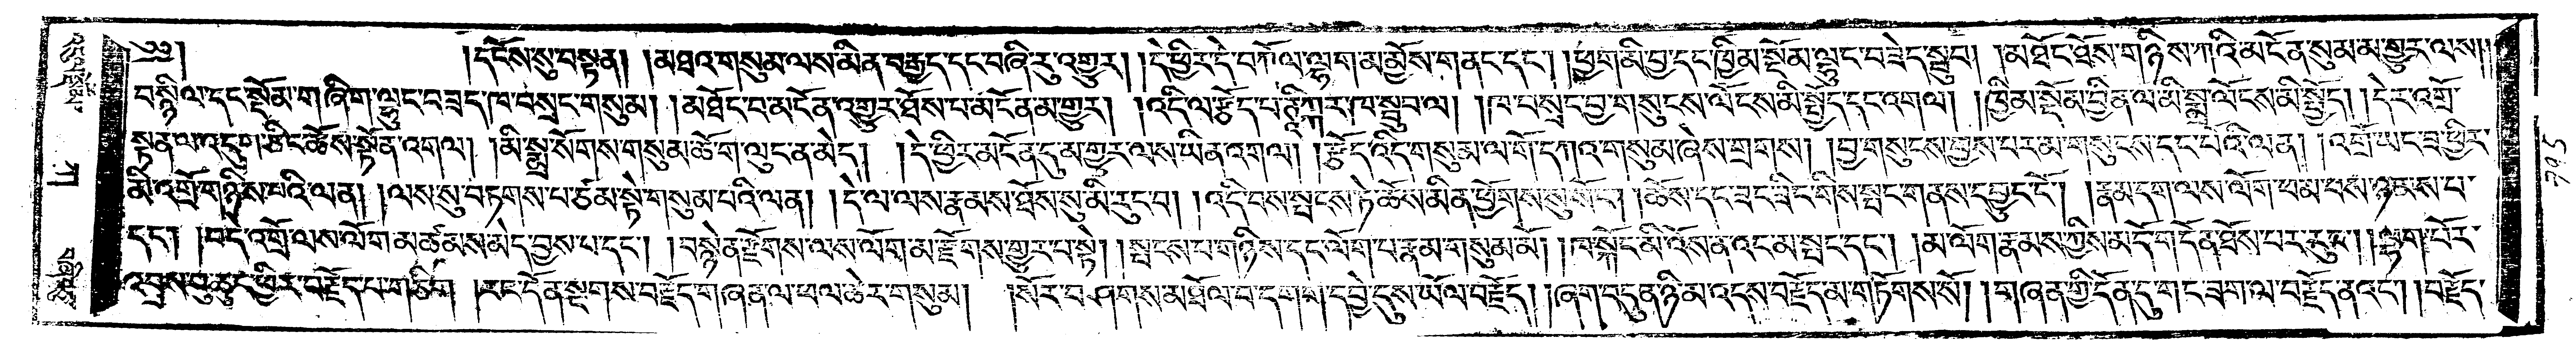༄༅། །དངོས་སུ་བསྟན། །མཐའ་གསུམ་ལས་མིན་བརྒྱད་དང་བཞི་རུ་འགྱུར། །དེ་ཕྱིར་དེ་བཀོལ་ལྷག་མ་མྱོས་གནང་དང་། །ཕྱག་མི་བྱ་དང་ཁྱིམ་སྔོམ་ལྷུང་བཟེད་སྦུབ། །མཐོང་ཐོས་གཉིས་ཀའི་མངོན་སུམ་མ་གྱུར་ལས། །
བསྙིལ་དང་སྡོམ་གཞིག་ལྷུང་བཟད་ཁ་བསྲང་གསུམ། །མཐོང་བ་མངོན་འགྱུར་ཐོས་པ་མངོན་མ་གྱུར། །འདི་ལ་རྩོད་པ་ཊཱིཀྐར་ཁ་སྡུ་བ་ལ། །ཁ་བསྲང་བྱ་གསུངས་ལོངས་མི་སྤྱོད་དང་འགལ། །ཁྱིམ་སྡོམ་བྱིན་ལ་མི་སྨྲ་ལོངས་མི་སྤྱོད། །དེང་འགྲོ་
སྟན་ལ་འདུག་ཅིང་ཆོས་སྟོན་འགལ། །མི་སྨྲ་སོགས་གསུམ་ཆོ་ག་ལུང་ན་མེད། །དེ་ཕྱིར་མངོན་དུ་མ་གྱུར་ལས་ཡིན་འགལ། །རྩོད་འདི་གསུམ་ལ་གོ་དཀའ་གསུམ་ཞེས་གྲགས། །བྱ་གསུངས་བྱས་པར་མ་གསུངས་དང་པོའི་ལན། །འགྲོ་ཡང་ཟ་ཕྱིར་
མི་འགྲོ་གཉིས་པའི་ལན། །ལས་སུ་བཏགས་པ་ཙམ་སྟེ་གསུམ་པའི་ལན། །དེ་ལ་ལས་རྣམས་ཐོས་སུ་མི་རུང་བ། །འདི་བས་སྤངས་ཏེ་ཆོས་མིན་ཕྱོགས་སུ་སོང་། །ཆོས་དང་ཟང་ཟིང་གིས་སྤངས་གནས་འབྱུང་ངོ། །རྣམ་དག་ལས་ལོག་ཕམ་པས་ཉམས་པ་
དང་། །བདེ་འགྲོ་ལས་ལོག་མཚམས་མེད་བྱས་པ་དང་། །བསྙེན་རྫོགས་ལས་ལོག་མ་རྫོགས་གྱུར་པ་སྟེ། །སྤངས་པ་གཉིས་དང་ལོག་པ་རྣམ་གསུམ་མོ། །ཁ་སྐོང་མི་འོས་ནའང་མ་སྤང་དང་། །མ་ལོག་རྣམས་ཀྱིས་མདོ་གདོན་ཐོས་པར་རུང་། །ལྷག་པོར་
འབྲས་བུ་ཆུང་ཕྱིར་བརྗོད་པ་གཅིག །རང་དོན་སྔགས་བརྗོད་གཞན་ལ་ཕལ་ཆེར་གསུམ། །སོར་བཤགས་མཐོལ་བ་དགག་དབྱེ་དུས་ཡོལ་བརྗོད། །ཞག་བདུན་ཉི་མ་འདས་བརྗོད་མ་གཏོགས་སོ། །གཞན་གྱི་དོན་དུ་གང་ཟག་ལ་བརྗོད་ནའང་། །བརྗོད་